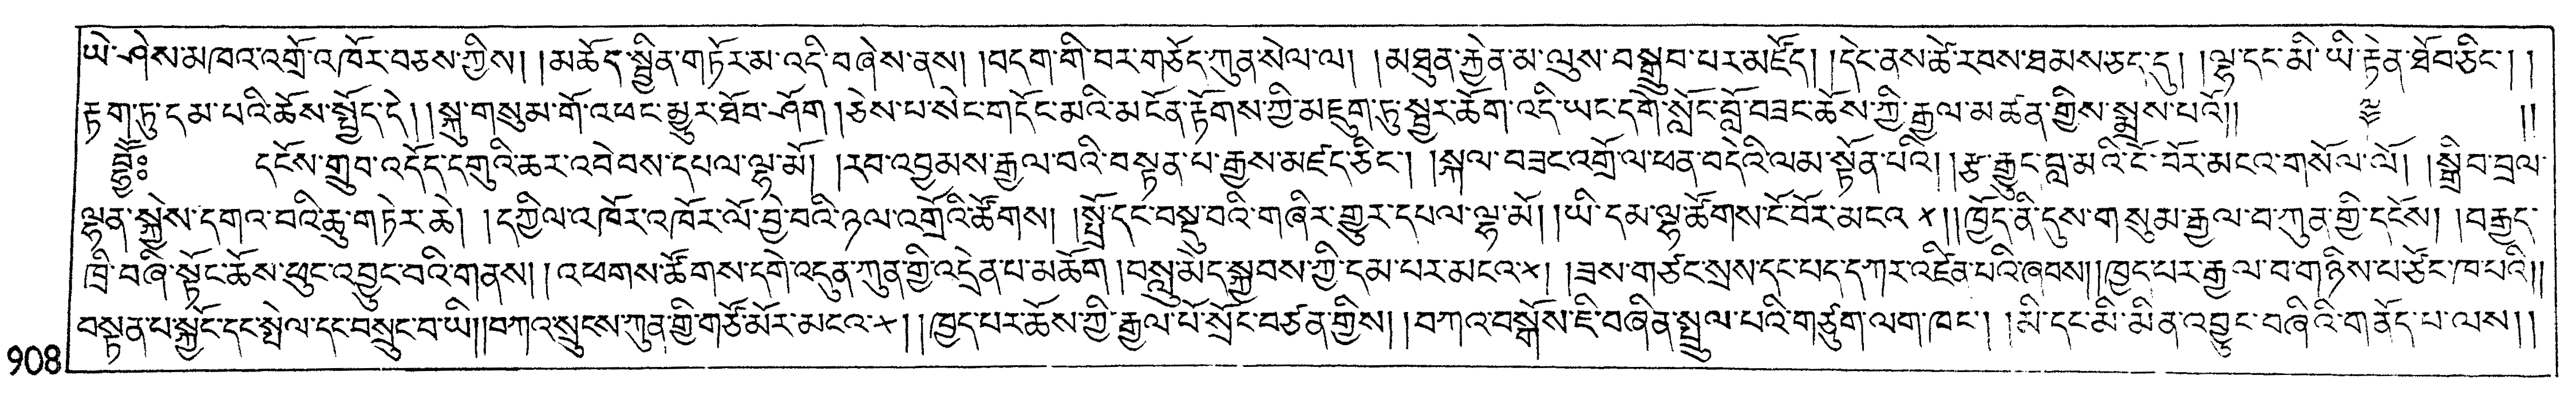ཡེ་ཤེས་མཁའ་འགྲོ་འཁོར་བཅས་ཀྱིས། །མཆོད་སྦྱིན་གཏོར་མ་འདི་བཞེས་ནས། །བདག་གི་བར་གཅོད་ཀུན་སེལ་ལ། །མཐུན་རྐྱེན་མ་ལུས་བསྒྲུབ་པར་མཛོད། །དེང་ནས་ཚེ་རབས་ཐམས་ཅད་དུ། །ལྷ་དང་མི་ཡི་རྟེན་ཐོབ་ཅིང་། །
རྟག་ཏུ་དམ་པའི་ཆོས་སྤྱོད་དེ། །སྐུ་གསུམ་གོ་འཕང་མྱུར་ཐོབ་ཤོག །ཅེས་པ་སེང་གདོང་མའི་མངོན་རྟོགས་ཀྱི་མཇུག་ཏུ་སྦྱར་ཆོག་འདི་ཡང་དགེ་སློང་བློ་བཟང་ཆོས་ཀྱི་རྒྱལ་མཚན་གྱིས་སྨྲས་པའོ།། ༈ །།
བྷྱཽཿ དངོས་གྲུབ་འདོད་དགུའི་ཆར་འབེབས་དཔལ་ལྷ་མོ། །རབ་འབྱམས་རྒྱལ་བའི་བསྟན་པ་རྒྱས་མཛད་ཅིང་། །སྐལ་བཟང་འགྲོ་ལ་ཕན་བདེའི་ལམ་སྟོན་པའི། །རྩ་རྒྱུད་བླ་མའི་ངོ་བོར་མངའ་གསོལ་ལོ། །སྒྲིབ་བྲལ་
ལྷན་སྐྱེས་དགའ་བའི་ཆུ་གཏེར་ཆེ། །དཀྱིལ་འཁོར་འཁོར་ལོ་བྱེ་བའི་ཉལ་འགྲོའི་ཚོགས། །སྤྲོ་དང་བསྡུ་བའི་གཞིར་གྱུར་དཔལ་ལྷ་མོ། །ཡི་དམ་ལྷ་ཚོགས་ངོ་བོར་མངའ་྾། །ཁྱོད་ནི་དུས་གསུམ་རྒྱལ་བ་ཀུན་གྱི་དངོས། །བརྒྱད་
ཁྲི་བཞི་སྟོང་ཆོས་ཕུང་འབྱུང་བའི་གནས། །འཕགས་ཚོགས་དགེ་འདུན་ཀུན་གྱི་འདྲེན་པ་མཆོག །བསླུ་མེད་སྐྱབས་ཀྱི་དམ་པར་མངའ་྾། །ཟས་གཙང་སྲས་དང་པད་དཀར་འཛིན་པའི་ཞབས། །ཁྱད་པར་རྒྱལ་བ་གཉིས་པ་ཙོང་ཁ་པའི། །
བསྟན་པ་སྐྱོང་དང་སྤེལ་དང་བསྲུང་བ་ཡི། །བཀའ་སྲུངས་ཀུན་གྱི་གཙོ་མོར་མངའ་྾། །ཁྱད་པར་ཆོས་ཀྱི་རྒྱལ་པོ་སྲོང་བཙན་གྱིས། །བཀའ་བསྒོས་ཇི་བཞིན་སྤྲུལ་པའི་གཙུག་ལག་ཁང་། །མི་དང་མི་མིན་འབྱུང་བཞིའི་གནོད་པ་ལས། །